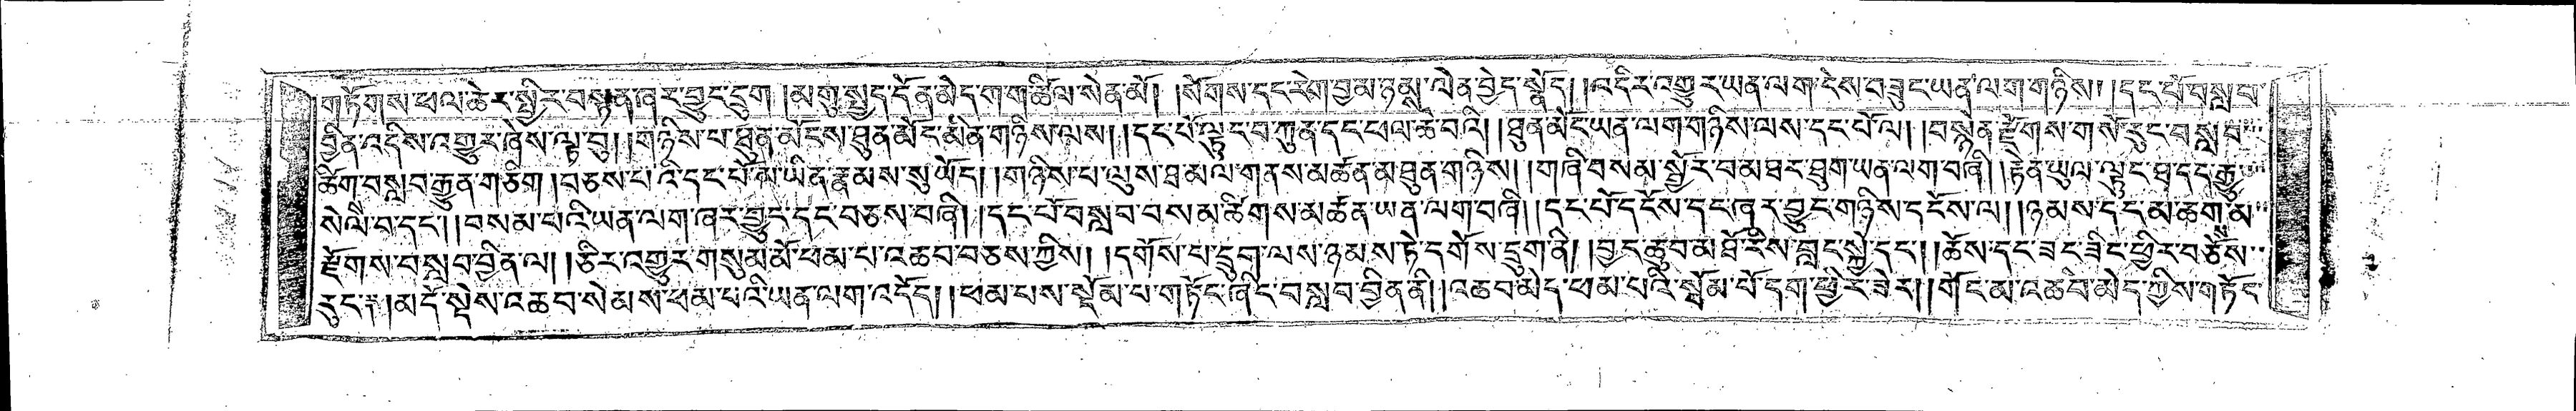གཏོགས་ཕལ་ཆེར་སྤྱིར་བསྟན་ཞར་བྱུང་དྲུག །མགུ་སྤྱད་དོན་མེད་ག་ག་ཚིལ་སེན་མོ། །སོགས་དང་རེག་བྱ་མ་ཉམས་ལེན་བྱེད་སྣོད། །འདིར་འགྱུར་ཡན་ལག་ངེས་བཟུང་ཡན་ལག་གཉིས། །དང་པོ་བསླབ་
བྱིན་འདིས་འགྱུར་ཞེས་ལྟ་བུ། །གཉིས་པ་ཐུན་མོངས་ཐུན་མོང་མིན་གཉིས་ལས། །དང་པོ་ལྟུང་བ་ཀུན་དང་ཕལ་ཆེ་བའི། །ཐུན་མོང་ཡན་ལག་གཉིས་ལས་དང་པོ་ལ། །བསྙེན་རྫོགས་གསོ་རུང་བསླབ་
ཚིགས་བསླབ་རྒྱུན་གཅིག །བཅས་པའི་དང་པོ་མ་ཡིན་རྣམས་སུ་ཡོད། །གཉིས་པ་ལུས་ཐ་མལ་གནས་མཚན་མཐུན་གཉིས། །གཞི་བསམ་སྦྱོར་བ་མཐར་ཐུག་ཡན་ལག་བཞི། །རྟེན་ཡུལ་ལྟུང་ཐ་དད་རྒྱུ་
སེལ་བ་དང་། །བསམ་པའི་ཡན་ལག་ཞར་བྱུང་དང་བཅས་བཞི། །དང་པོ་བསླབ་བསམ་ཚིགས་མཚན་ཡན་ལག་བཞི། །དང་པོ་དངོས་དང་ཞར་བྱུང་གཉིས་དངོས་ལ། །ཉམས་དང་མ་ཆགས་མ་
རྫོགས་བསླབ་བྱིན་ལ། །ཅིར་འགྱུར་གསུམ་མོ་ཕམ་པ་འཆབ་བཅས་ཀྱིས། །དགོས་པ་དྲུག་ལས་ཉམས་ཏེ་དགོས་དྲུག་ནི། །བྱང་ཆུབ་མཐོ་རིས་བླང་སྐྱེ་དང་། །ཆོས་དང་ཟང་ཟིང་ཕྱིར་བཅོས་
རུང༑ །མདོ་སྡེས་འཆབ་སེམས་ཕམ་པའི་ཡན་ལག་འདོད། །ཕམ་པས་སྡོམ་པ་གཏོང་ཞིང་བསླབ་བྱིན་ནི། །འཆབ་མེད་ཕམ་པའི་སྦོམ་པོ་དག་ཕྱིར་ཟེར། །གོང་མ་འཆབ་མེད་ཀྱིས་གཏོང་